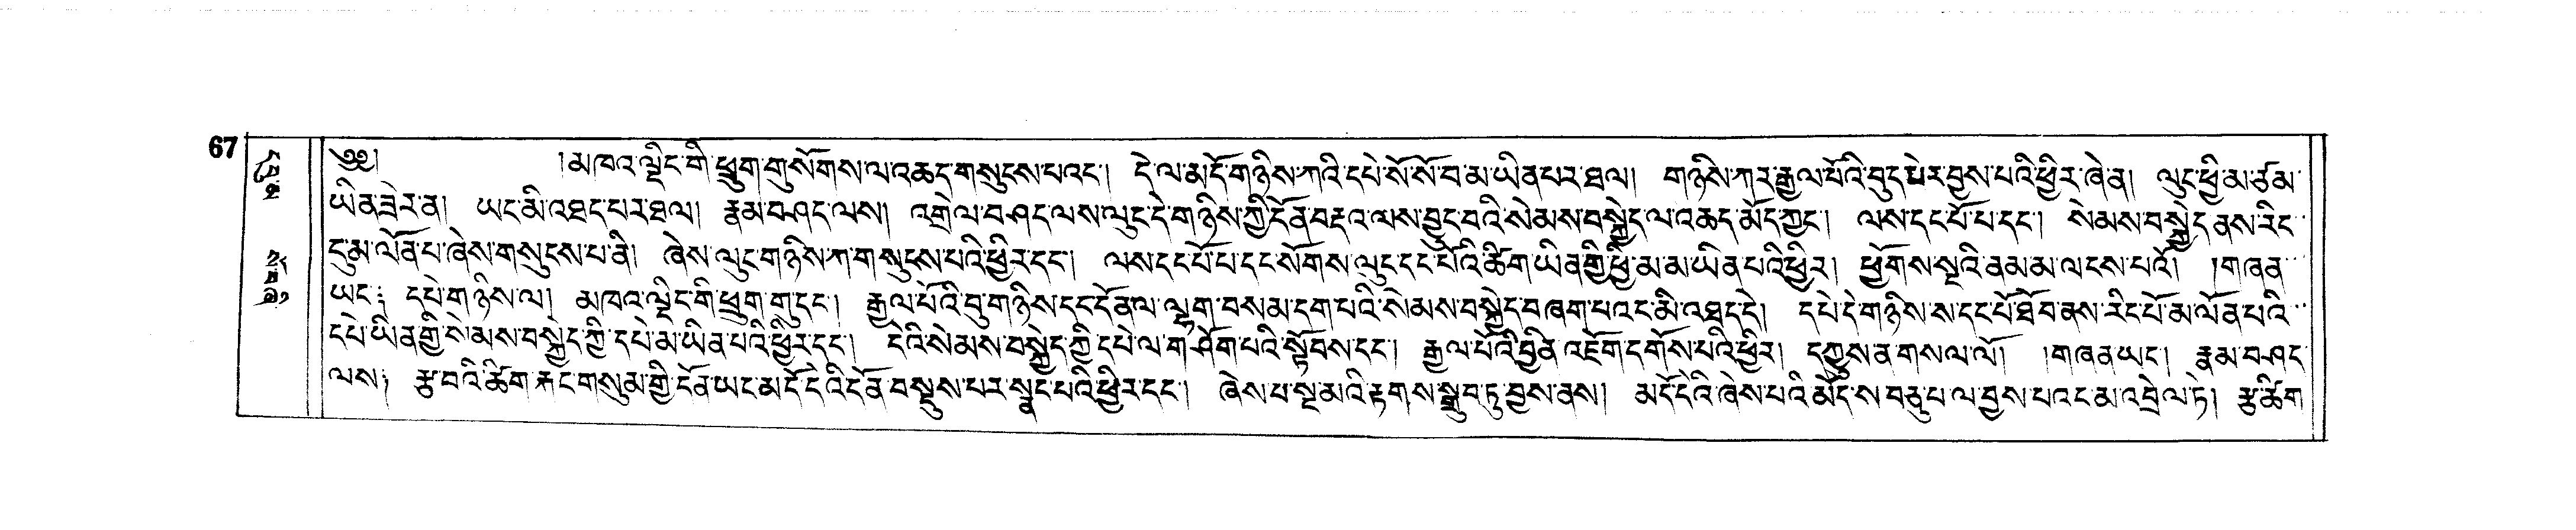༄༅། །མཁའ་ལྡིང་གི་ཕྲུག་གུ་སོགས་ལ་འཆད་གསུངས་པའང་། དེ་ལ་མདོ་གཉིས་ཀའི་དཔེ་སོ་སོ་བ་མ་ཡིན་པར་ཐལ། གཉིས་ཀར་རྒྱལ་པོའི་བུ་དཔེར་བྱས་པའི་ཕྱིར་ཞེ་ན། ལུང་ཕྱི་མ་ཙམ་
ཡིན་ཟེར་ན། ཡང་མི་འཐད་པར་ཐལ། རྣམ་བཤད་ལས། འགྲེལ་བཤད་ལས་ལུང་དེ་གཉིས་ཀྱི་དོན་བརྡའ་ལས་བྱུང་བའི་སེམས་བསྐྱེད་ལ་འཆད་མོད་ཀྱང་། ལས་དང་པོ་པ་དང་། སེམས་བསྐྱེད་ནས་རིང་
དུ་མ་ལོན་པ་ཞེས་གསུངས་པ་ནི། ཞེས་ལུང་གཉིས་ཀ་གསུངས་པའི་ཕྱིར་དང་། ལས་དང་པོ་པ་དང་སོགས་ལུང་དང་པོའི་ཚིག་ཡིན་གྱི་ཕྱི་མ་མ་ཡིན་པའི་ཕྱིར། ཕྱོགས་སྔའི་ནམ་མ་ལངས་པའོ། །གཞན་
ཡང༑ དཔེ་གཉིས་ལ། མཁའ་ལྡིང་གི་ཕྲུག་གུ་དང་། རྒྱལ་པོའི་བུ་གཉིས་དང་དོན་ལ་ལྷག་བསམ་དག་པའི་སེམས་བསྐྱེད་བཞག་པའང་མི་འཐད་དེ། དཔེ་དེ་གཉིས་ས་དང་པོ་ཐོབ་ནས་རིང་པོ་མ་ལོན་པའི་
དཔེ་ཡིན་གྱི་སེམས་བསྐྱེད་ཀྱི་དཔེ་མ་ཡིན་པའི་ཕྱིར་དང་། དེའི་སེམས་བསྐྱེད་ཀྱི་དཔེ་ལ་གཤོག་པའི་སྟོབས་དང་། རྒྱལ་པོའི་བྱིན་འཇོག་དགོས་པའི་ཕྱིར། དཀྱུས་ན་གསལ་ལོ། །གཞན་ཡང་། རྣམ་བཤད་
ལས༑ རྩ་བའི་ཚིག་རྐང་གསུམ་གྱི་དོན་ཡང་མདོ་དེའི་དོན་བསྡུས་པར་སྣང་པའི་ཕྱིར་དང་། ཞེས་པ་སྔ་མའི་རྟགས་སྒྲུབ་ཏུ་བྱས་ནས། མདོ་དེའི་ཞེས་པའི་མདོ་ས་བཅུ་པ་ལ་བྱས་པའང་མ་འབྲེལ་ཏེ། རྩ་ཚིག་